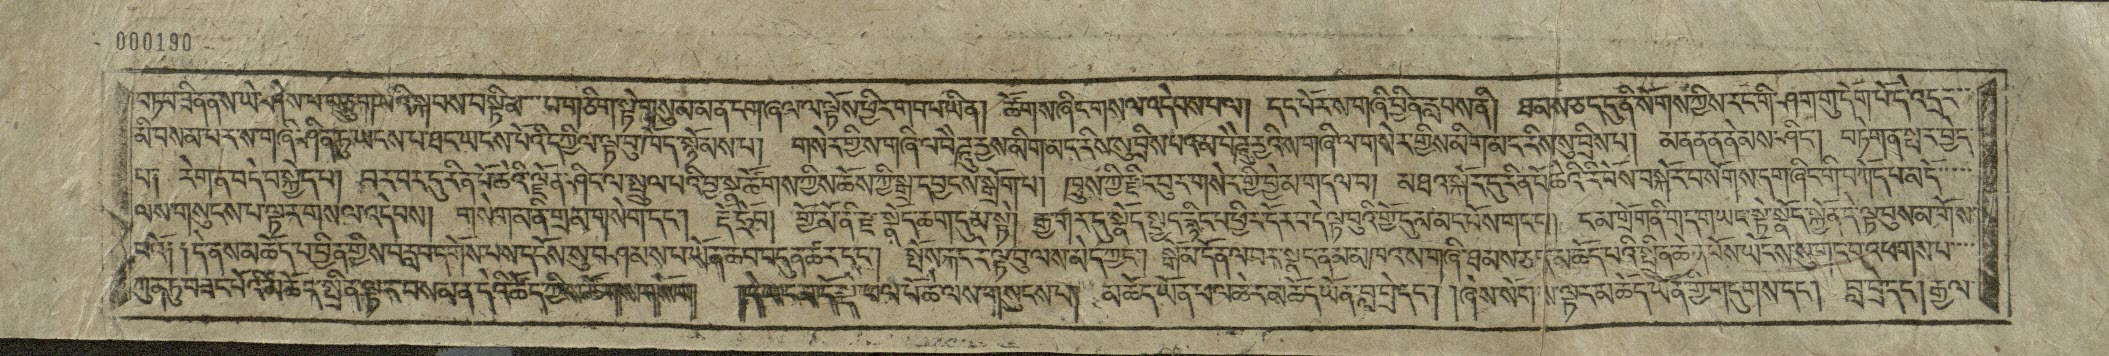བཏབ་ཟིན་ནས་ཡེ་ཤེས་པ་བཅུག་པའི་སྐབས་བསྟིམ་པ་གཅིག་སྟེ་གསུམ་མན་ངག་ཞལ་ལ་ལྟོས་ཕྱིར་གབ་པ་ཡིན། ཚོགས་ཞིང་གསལ་འདེབས་པ་ལ། དང་པོར་ས་གཞི་བྱིན་རླབས་ནི། ཐམས་ཅད་དུ་ནི་སོགས་ཀྱིས་རང་གི་ཤག་གུ་དོག་པོ་དེ་འདྲར་
མི་བསམ་པར་ས་གཞི་ཤིན་ཏུ་ཡངས་པ་ཐང་ཡངས་པོའི་དཀྱིལ་ལྟ་བུ་ཁོད་སྙོམས་པ། གསེར་གྱི་ས་གཞི་ལ་བཻཌཱུརྱས་མིག་མང་རིས་སུ་བྲིས་པའམ་བཻཌཱུརྱའི་ས་གཞི་ལ་གསེར་གྱིས་མིག་མང་རིས་སུ་བྲིས་པ། མནན་ན་ནེམས་ཤིང་། བཏེག་ན་སྤར་བྱེད་
པ༑ རེག་ན་བདེ་བ་སྐྱེད་པ། བར་བར་དུ་རིན་པོ་ཆེའི་ལྗོན་ཤིང་ལ་སྤྲུལ་པའི་བྱ་སྣ་ཚོགས་ཀྱིས་ཆོས་ཀྱི་སྒྲ་དབྱངས་སྒྲོག་པ། ཁྲུས་ཀྱི་རྫིང་བུར་གསེར་གྱི་བྱེ་མ་གདལ་བ། མཐའ་སྐོར་དུ་རིན་པོ་ཆེའི་རི་བོས་བསྐོར་བ་སོགས་དག་ཞིང་གི་བཀོད་པ་མདོ་
ལས་གསུངས་པ་ལྟར་གསལ་འདེབས། གསེག་མ་ནི་གྲམ་གསེག་དང་། རྡོ་ཧྲོབ། གྱོ་མོ་ནི་རྫ་སྣོད་ཆག་དུམ་སྟེ། རྒྱ་གར་དུ་སྣོད་སྤྱད་རྙིང་པ་ཕྱིར་དོར་བ་དེ་ལྟ་བུའི་གྱོ་དུམ་མང་པོས་གང་བ། ངམ་གྲོག་ནི་གད་གཡང་སྟེ་སྣོད་སྐྱོན་དེ་ལྟ་བུས་མ་གོས་
པའོ༑ ༑དེ་ནས་མཆོད་པ་བྱིན་གྱིས་བརླབ་དགོས་པས་དངོས་སུ་བཤམས་པ་ཡོན་ཆབ་བདུན་ཚར་དང་། སྤོས་རྐང་རེ་ལྟ་བུ་ལས་མེད་ཀྱང་། སྒོམ་དོན་ལ་བར་སྣང་ནམ་མཁའ་ས་གཞི་ཐམས་ཅད་མཆོད་པའི་སྤྲིན་ཆེན་པོས་ཡོངས་སུ་གང་བ་འཕགས་པ་
ཀུན་ཏུ་བཟང་པོའི་མཆོད་སྤྲིན་ལྟར་བསམ་ན་དེའི་ཆོད་ཀྱིས་ཚོགས་གསོག །དེ་ཡང་མདོ་སྡེ་ཕལ་པོ་ཆེ་ལས་གསུངས་པ། མཆོད་ཡོན་ཕལ་ཆེར་མཆོད་ཡོན་བླ་བྲེ་དང་། །ཞེས་སོགས་ལྟར་མཆོད་ཡོན་གྱི་གདུགས་དང་། བླ་བྲེ་དང་། རྒྱལ་